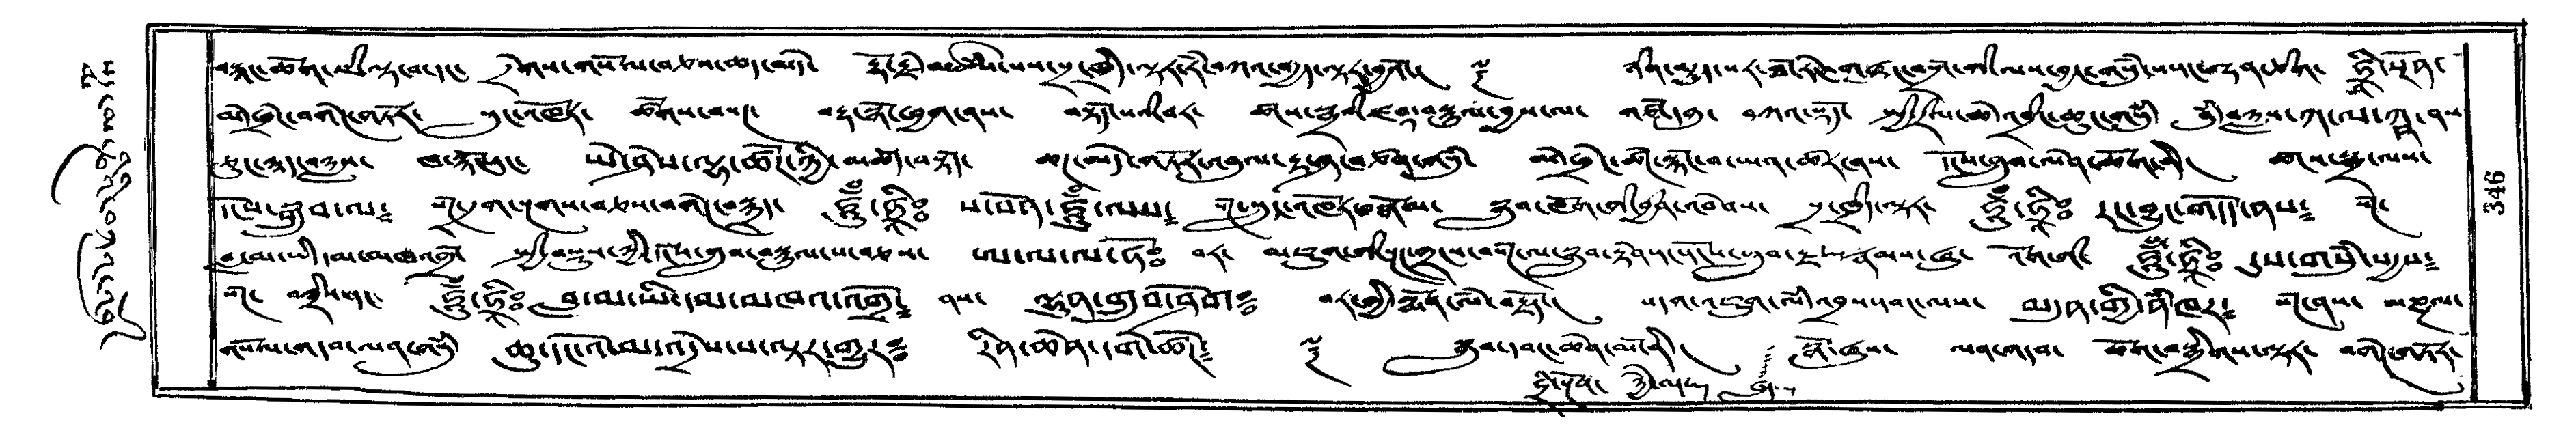བསྐང་ཆོག་ཇི་ལྟ་བ་དང་། དྲེགས་གསོལ་བཅས་ཆད་མེད། རྡོ་རྗེ་མཚམས་པས་པྲ་ཁྲིད་ལྟར་རམ་བཀའ་བརྒྱད་ལྟར་བྱའོ། ཉིན་བརྒྱད་པར་ཐོ་རེངས་གཞུང་བསྲང་གི་ལས་བྱང་གསུམ་པ་དང་ལྷན་ཅིག ཧྲཱི༔སྔོན༴ 
མེ་ཕྲེང་བགེགས་གཏོར། སྲུང་འཁོར། ཚོགས་བསགས། བརྡ་སྒོ་བརྡ་ཕྱག་ནས། བསྟོད་པའི་བར། ཚངས་སྒྲའི་ཛཔྲ་བསྐུལ་བྱས་ལ། གཙོ་དགུ། བཀའ་སྡོད། སྤྱི་དྲིལ་ཆེ་འབྲིང་ཆུང་གསུམ། བུམ་བཟླས། ཀ་ལ་ཀྴ༴ ནས་
ཅུང་ཟད་བཟླས ཁ་སྐོང་དང་། ཡེ་ཤེས་ལྷ་ཚོགས་ཀྱི༴ མཆོད་བསྟོད། ཆགས་མེད་གཏོར་འབུལ་རྟ་ཤ་བཙན་གསུམ། མེ་ཕྲེང་ཚོགས་མཆོད་སྐོང་བ་ཡན་ཚར་ནས། དངོས་གྲུབ་ལེན་ཆོག་གི ཚངས་སྒྲ་ལས། 
དངོས་གྲུབ་ལ༴ སོགས་དྲག་སྔགས་བཅས་བགེགས་བསྐྲད། ཧཱུྃ་ཧྲཱིཿ ས་བོན་ཧཱུྃ་ལས༴ སོགས་སྲུང་འཁོར་བསྒོམ། སྒྲུབ་ཁོག་གི་བྱིན་འབེབས། པྲ་ཁྲིད་ལྟར། ཧཱུྃ་ཧྲཱིཿ རང་བྱུང་གདོད་ནས༴ 
སོགས། བླ་མ། ཡི་དམ། མཁའ་འགྲོ། སྤྱི་བསྡུས་ཀྱི་དངོས་གྲུབ་བསྐུལ་པ་བཅས། ཨ་ལ་ལ་ཧོཿ བར། མཇུག་གི་སྔགས་གྲངས་བསགས་ལ་སྒྲུབ་རྟེན་དང་དངོས་གྲུབ་ཀྱི་རྫས་རྣམས་ཞུ། འོག་གི ཧཱུྃ་ཧྲཱིཿ དུས་གསུམ་སངས་རྒྱས༴ 
སོགས། བཀྲ་ཤིས་དང་། ཧཱུྃ་ཧྲཱིཿ བླ་མ་ཡི་དམ་མཁའ་འགྲོ༴ ནས། ལྷུན་གྲུབ་ཤོག༔ བར་གྱི་སྨོན་ལམ་བརྗོད། བདག་འཇུག་ལམ་འབྲས་དབང་ལས།མདུན་གྱི་ནམ་མཁར༴ སོགས་ནས། མཎྜལ་
གསོལ་གདབ་ལན་གསུམ། ཆུ་དང་འོ་མ་འདྲེས་པ་ལྟར་གྱུར༔ རིན་ཆེན་དགེ་ཚོགས༴ སྒྲུབ་དབང་ཆེན་མོ་ནི། ཁྲུས། སྒོ་ཞུས། ལན་གདབ། ཆོག་བསྒྲིགས་ལྟར་བགེགས་གཏོར།